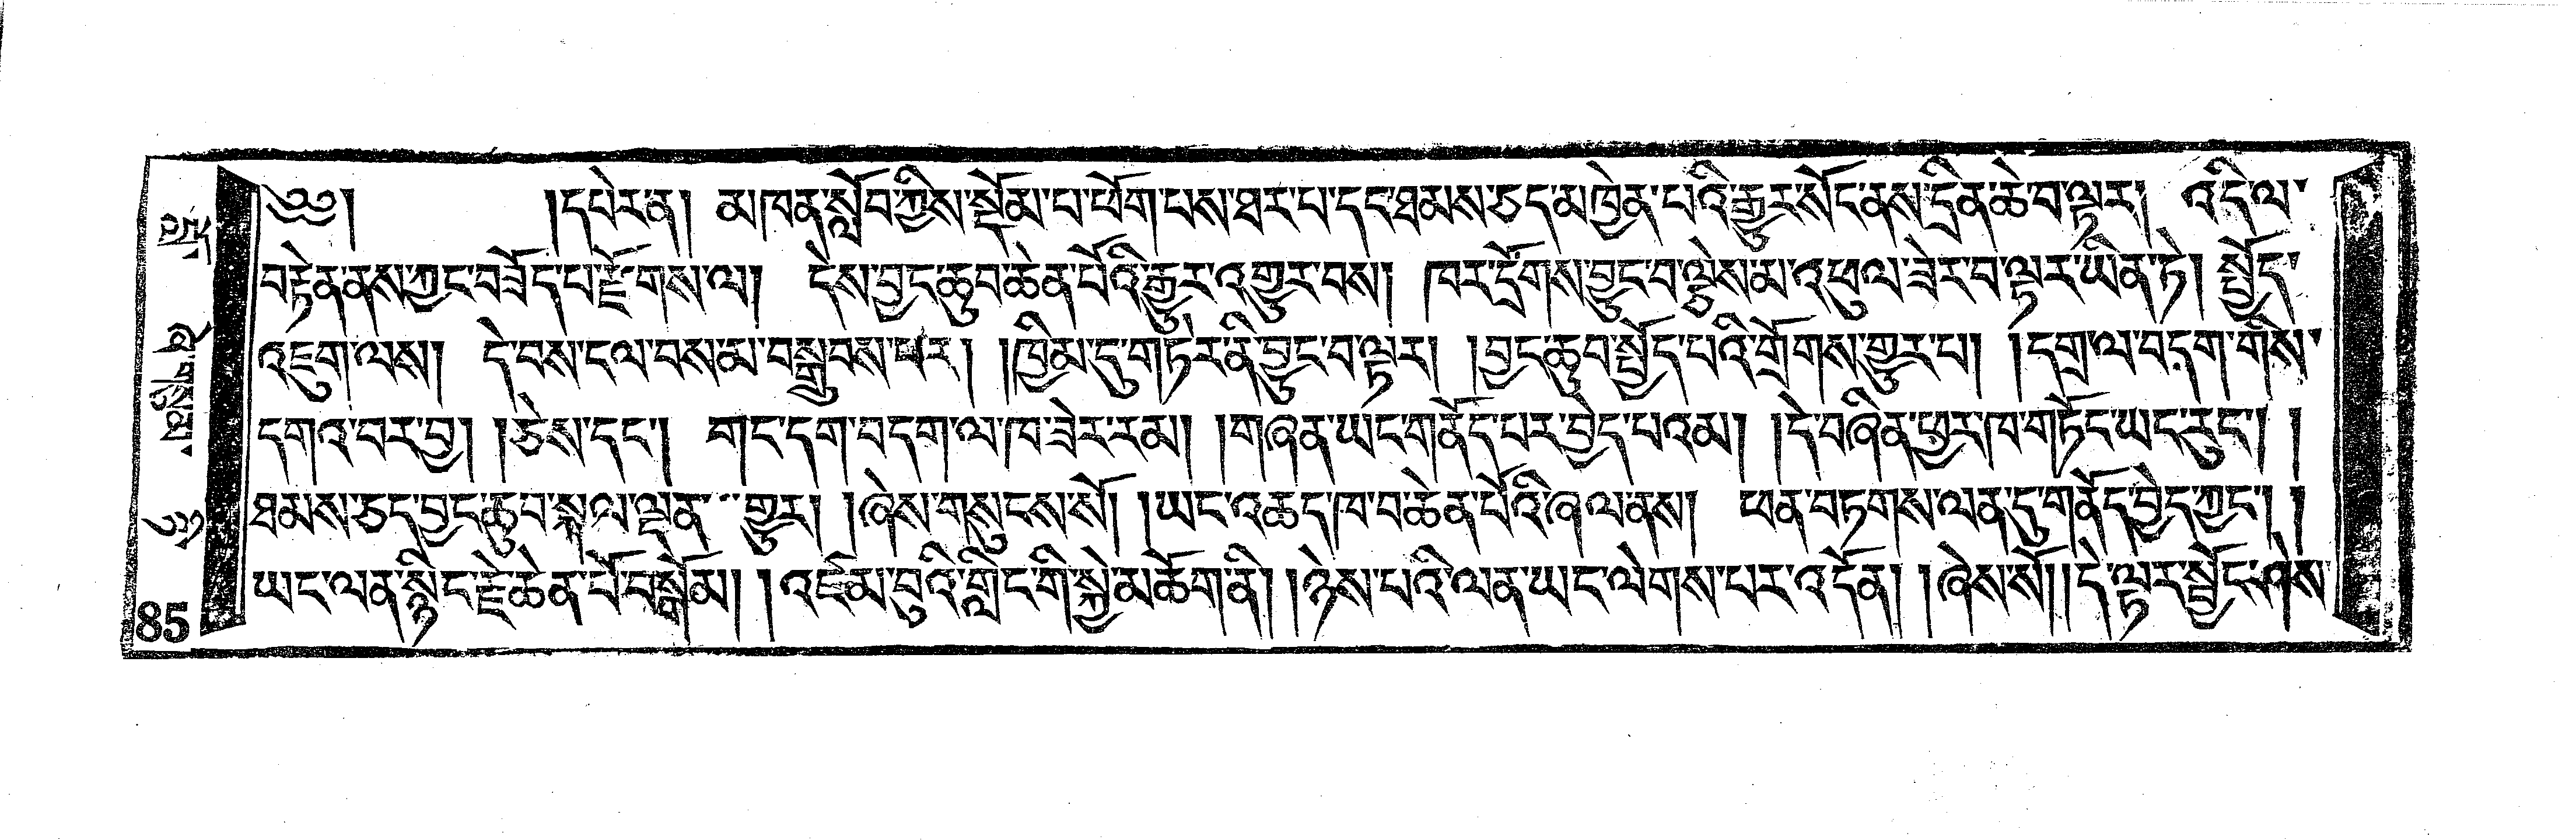༄༅། །དཔེར་ན། མཁན་སློབ་ཀྱིས་སྡོམ་པ་ཕོག་པས་ཐར་པ་དང་ཐམས་ཅད་མཁྱེན་པའི་རྒྱུར་སོང་ནས་དྲིན་ཆེ་བ་ལྟར། འདི་ལ་
བརྟེན་ནས་ཀྱང་བཟོད་པ་རྫོགས་ལ། དེས་བྱང་ཆུབ་ཆེན་པོའི་རྒྱུར་འགྱུར་བས། ཁར་དྲོགས་བྱུང་བ་ལྕེས་མ་འཕུལ་ཟེར་བ་ལྟར་ཡིན་ཏེ། སྤྱོད་
འཇུག་ལས། དེ་བས་ངལ་བས་མ་བསྒྲུབས་པར། །ཁྱིམ་དུ་གཏེར་ནི་བྱུང་བ་ལྟར། །བྱང་ཆུབ་སྤྱོད་པའི་གྲོགས་གྱུར་པ། །དགྲ་ལ་བདག་གིས་
དགའ་བར་བྱ། །ཅེས་དང་། གང་དག་བདག་ལ་ཁ་ཟེར་རམ། །གཞན་ཡང་གནོད་པར་བྱེད་པའམ། །དེ་བཞིན་ཕྱར་ཁ་གཏོང་ཡང་རུང་། །
ཐམས་ཅད་བྱང་ཆུབ་སྐལ་ལྡན་གྱུར། །ཞེས་གསུངས་སོ། །ཡང་འཆད་ཁ་བ་ཆེན་པོའི་ཞལ་ནས། ཕན་བཏགས་ལན་དུ་གནོད་བྱེད་ཀྱང་། །
ཡང་ལན་སྙིང་རྗེ་ཆེན་པོ་བསྒོམ། །འཛམ་བུའི་གླིང་གི་སྐྱེ་མཆོག་ནི། །ཉེས་པའི་ལན་ཡང་ལེགས་པར་འདོན། །ཞེས་སོ། །དེ་ལྟར་སྦྱོང་ཤེས་